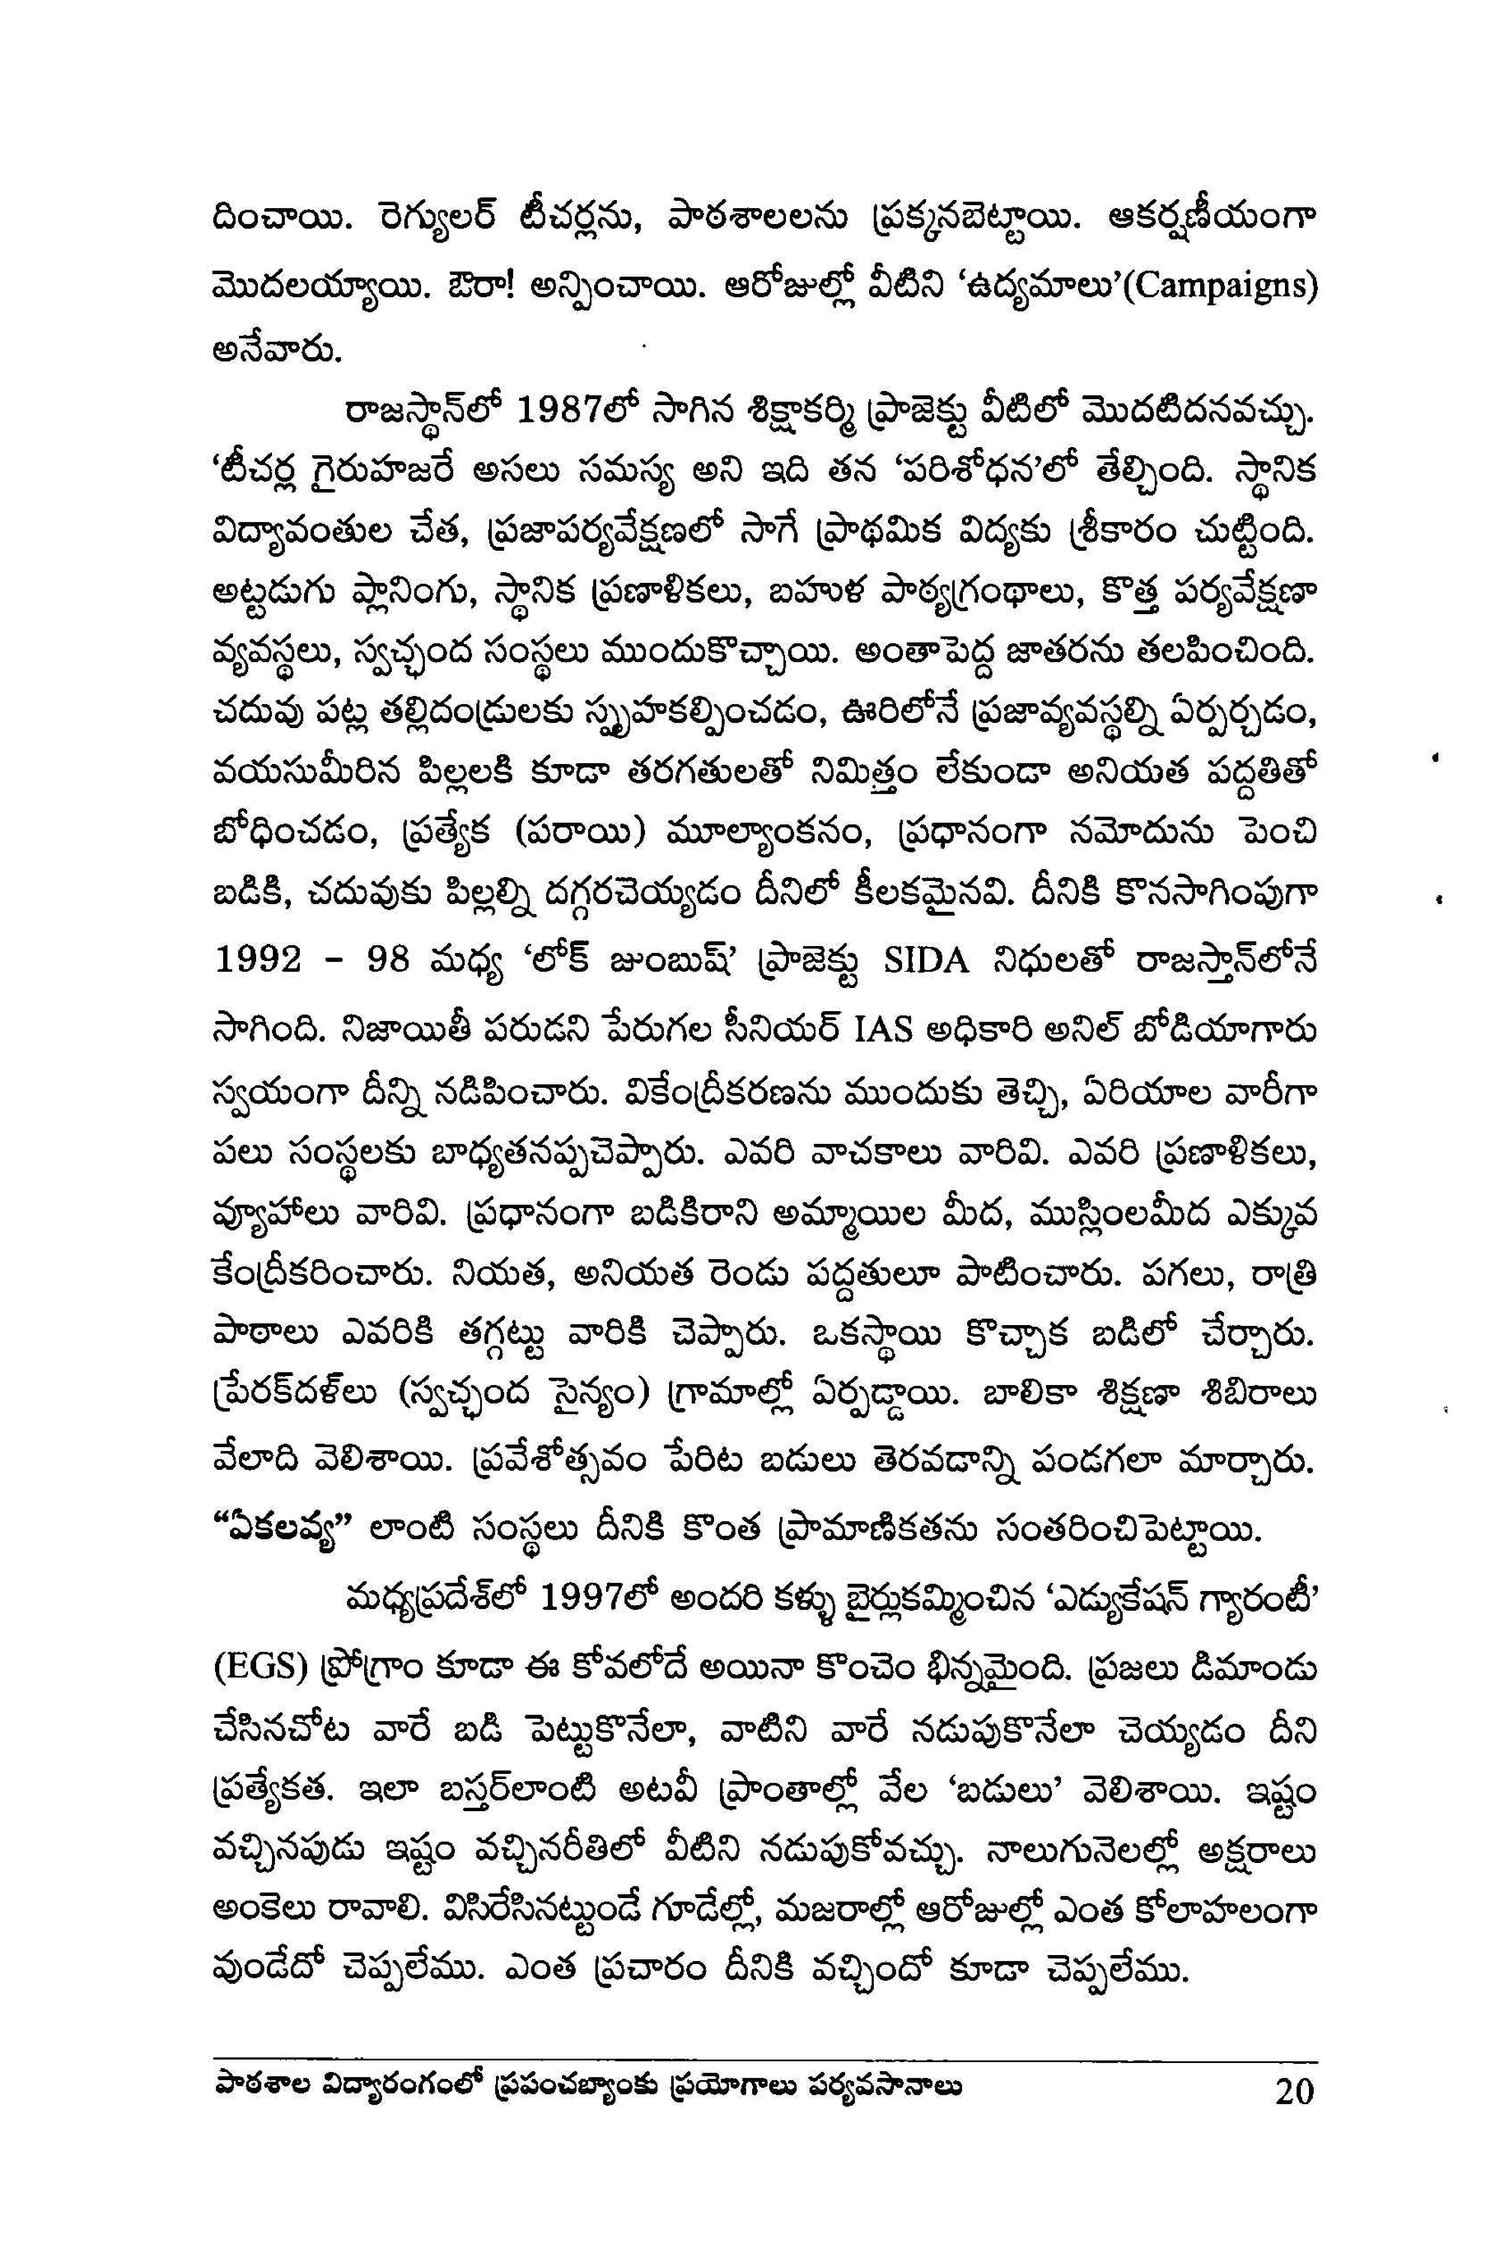దించాయి. రెగ్యులర్ టీచర్లను, పాఠశాలలను ప్రక్కనబెట్టాయి. ఆకర్షణీయంగా మొదలయ్యాయి. ఔరా! అనిపించాయి. ఆ రోజుల్లో వీటిని 'ఉద్యమాలు' (Campaigns) అనేవారు.

రాజస్థాన్లో 1987లో సాగిన శిక్షాకర్మి ప్రాజెక్టు వీటిలో మొదటిదనవచ్చు. 'టీచర్ల గైర్వహాజరే' అసలు సమస్య అని ఇది తన 'పరిశోధన'లో తేల్చింది. స్థానిక విద్యావంతుల చేత, ప్రజాపర్యవేక్షణలో సాగే ప్రాథమిక విద్యకు శ్రీకారం చుట్టింది. అట్టడుగు ప్లానింగ్, స్థానిక ప్రణాళికలు, బహుళ పాఠ్యగ్రంథాలు, కొత్త పర్యవేక్షణా వ్యవస్థలు, స్వచ్ఛంద సంస్థలు ముందుకొచ్చాయి. అంతా పెద్ద జాతరను తలపించింది. చదువు పట్ల తల్లిదండ్రులకు స్పృహ కల్పించడం, ఊరిలోనే ప్రజావ్యవస్థలను ఏర్పర్చడం, వయసు మీరిన పిల్లలకు కూడా తరగతులతో నిమిత్తం లేకుండా అనియత పద్ధతిలో బోధించడం, ప్రత్యేక (పరాయి) మూల్యాంకనం, ప్రధానంగా నమోదును పెంచి బడికి, చదువుకు పిల్లల్ని దగ్గర చేయడం దీనిలో కీలకమైనవి. దీనికి కొనసాగింపుగా 1998 మధ్య 'లోక్ జుంబుష్' ప్రాజెక్టు SIDA నిధులతో రాజస్థాన్లోనే సాగింది. నిజాయితీ పరుడని పేరుగల సీనియర్ IAS అధికారి అనిల్ బోడియాగారు స్వయంగా దీన్ని నడిపించారు. వికేంద్రీకరణను ముందుకు తెచ్చి, ఏరియాల వారీగా పలు సంస్థలకు బాధ్యతనప్పచెప్పారు. ఎవరి వాచకాలు వారివి, ఎవరి ప్రణాళికలు, వ్యూహాలు వారివి. ప్రధానంగా బడికిరాని అమ్మాయిలపై, ముస్లింలపై ఎక్కువ కేంద్రీకరించారు. నియత, అనియత రెండు పద్ధతులూ పాటించారు. పగలు, రాత్రి పాఠాలు ఎవరికి తగ్గట్టు వారికి చెప్పారు. ఒక స్థాయి కొచ్చాక బడిలో చేర్చారు. ప్రేరక్టళ్లు (స్వచ్ఛంద సైన్యం) గ్రామాల్లో ఏర్పడ్డాయి. బాలికా శిక్షణా శిబిరాలు వేలాది వెలిశాయి. ప్రవేశోత్సవం పేరిట బడులు తెరవడాన్ని పండగలా మార్చారు. “ఏకలవ్య” లాంటి సంస్థలు దీనికి కొంత ప్రామాణికతను సంతరించిపెట్టాయి.

మధ్యప్రదేశ్లో 1997లో అందరి కళ్లూ బైర్లుకమ్మించిన 'ఎడ్యుకేషన్ గ్యారంటీ' (EGS) ప్రోగ్రాం కూడా ఈ కోవలోదే అయినా కొంచెం భిన్నంగా వచ్చింది. ప్రజలు డిమాండ్ చేసిన చోట వారే బడిపెట్టుకొనేలా, వాటిని వారే నడుపుకొనేలా చేయడం దీని ప్రత్యేకత. ఇలా బస్తర్లాంటి అటవీ ప్రాంతాల్లో వేల 'బడులు' వెలిశాయి. ఇష్టం వచ్చినపుడు ఇష్టం వచ్చినరీతిలో వీటిని నడుపుకోవచ్చు. నాలుగునెలల్లో అక్షరాలు, అంకెలు రావాలి. విసిరేసినట్టుండే గూడెలో, మజరాల్లో ఆ రోజుల్లో ఎంత కోలాహలంగా ఉండేదో చెప్పలేము. ఎంత ప్రచారం దీనికి వచ్చిందో కూడా చెప్పలేము.